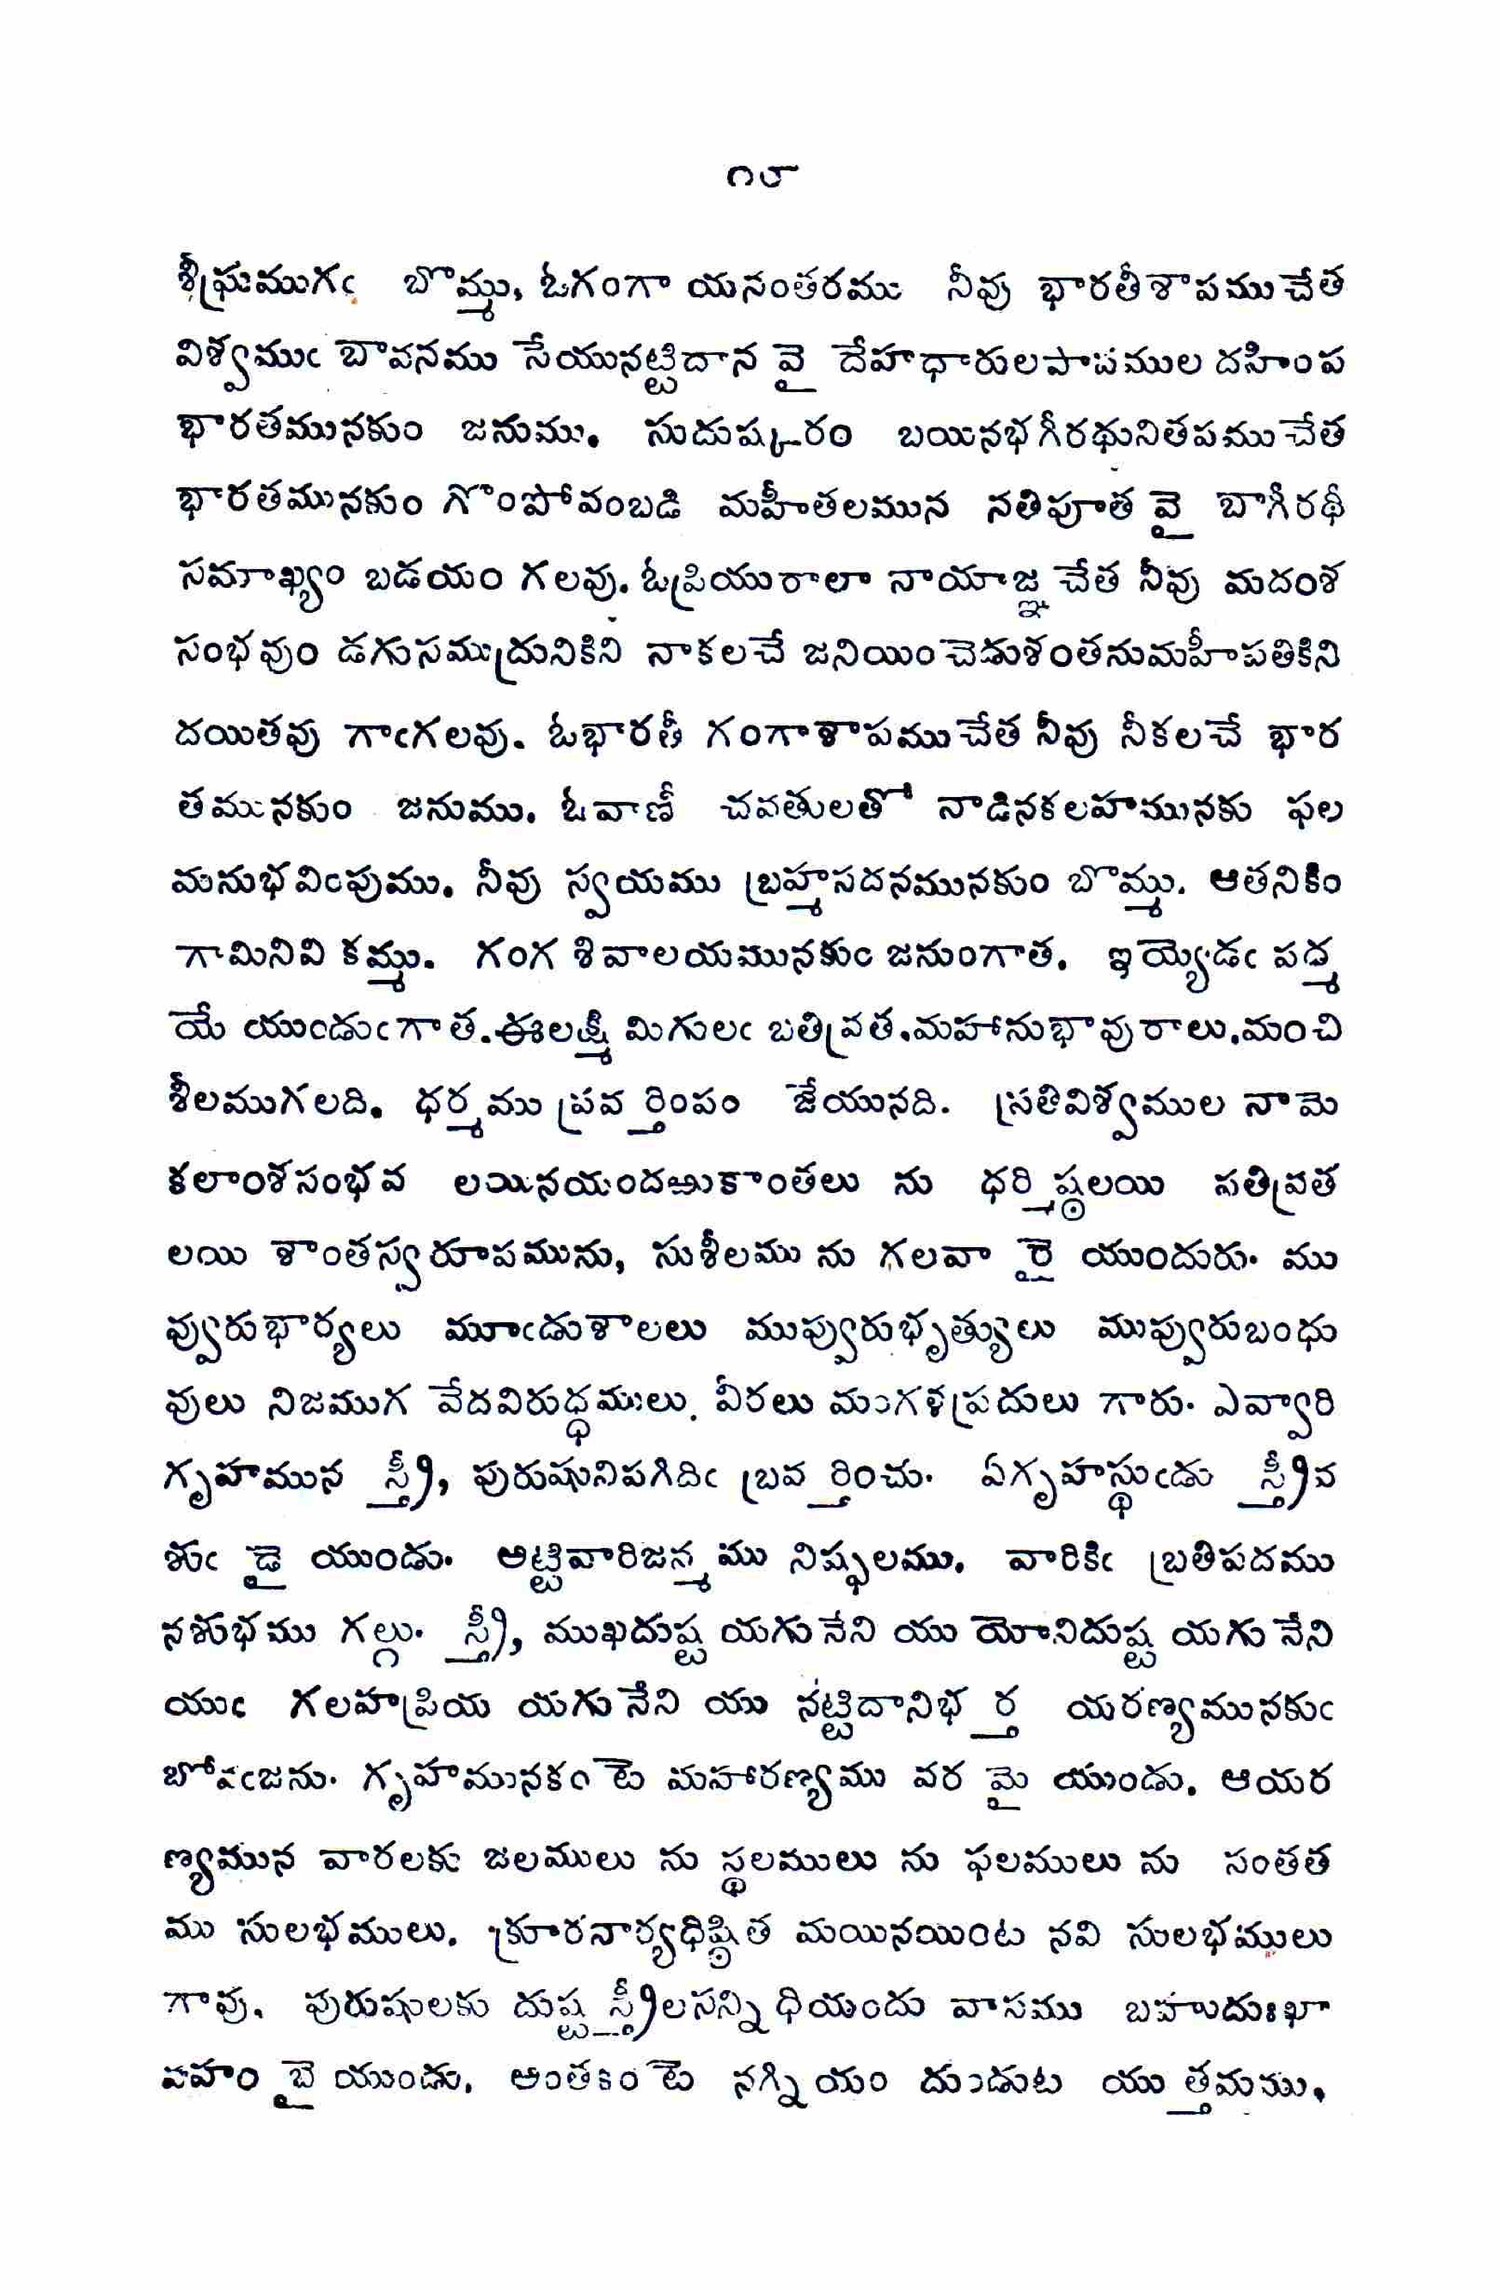శీఘ్రముగఁ బొమ్ము, ఓగంగా యసంతరము నీవు భారతీశాపముచేత విశ్వముఁ బావనము సేయునట్టిదానవై దేహధారులపాపముల దహింప భారతమునకుం జనుము. సుదుష్కరం బయినభగీరథునితపముచేత భారతమునకుం గొంపోవంబడి మహీతలమున నతిపూత వై బాగీరథీ సమాఖ్యం బడయం గలవు. ఓప్రియురాలా నాయాజ్ఞ చేత నీవు మదంశసంభవుం డగుసముద్రునికిని నాకలచే జనియించెడు శంతనుమహీపతికిని దయితవు గాఁగలవు. ఓభారతీ గంగాశాపముచేత నీవు నీకలచే భారతమునకుం జనుము. ఓవాణీ చవతులతో నాడినకలహమునకు ఫలమనుభవింపుము. నీవు స్వయము బ్రహ్మసదనమునకుం బొమ్ము. ఆతనికిం గామినివి కమ్ము. గంగ శివాలయమునకుం జనుంగాత. ఇయ్యెడఁ పద్మయే యుండుఁగాత. ఈ లక్ష్మీ మిగులఁ బతివ్రత. మహానుభావురాలు. మంచి శీలముగలది. ధర్మము ప్రవర్తింపం జేయునది. ప్రతివిశ్వముల నామె కలాంశసంభవ లయినయందఱుకాంతలు ను ధర్మిష్ఠలయి పతిప్రతలయి శాంత స్వరూపమును, సుశీలము ను గలవా రై యుందురు. మువ్వురు భార్యలు మూఁడుశాలలు మువ్వురుభృత్యులు మువ్వురు బంధువులు నిజముగ వేదవిరుధ్ధములు. వీరలు మంగళప్రదులు గారు. ఎవ్వారి గృహమున స్త్రీ, పురుషునిపగిదిఁ బ్రవర్తించు. ఏగృహస్థుఁడు స్త్రీవశుఁ డై యుండు. అట్టివారిజన్మము నిష్ఫలము. వారికిఁ బ్రతిపదము నశుభము గల్గు. స్త్రీ, ముఖదుష్ట యగునేని యు యోనిదుష్ట యగునేని
యుఁ గలహప్రియ యగునేని యు నట్టిదానిభర్త యరణ్యమునకుఁ బోవజను. గృహమునకంటె మహారణ్యము వర మై యుండు. ఆయరణ్యమున వారలకు జలములు ను స్థలములు ను ఫలములును సంతతము సులభములు. క్రూరనార్యధిష్ఠిత మయినయింట నవి సులభములు గావు. పురుషులకు దుష్టస్త్రీల సన్నిధియందు వాసము బహుదుఃఖావహం బై యుండు. అంతకంటె నగ్నియం దుండుట యుత్తమము.